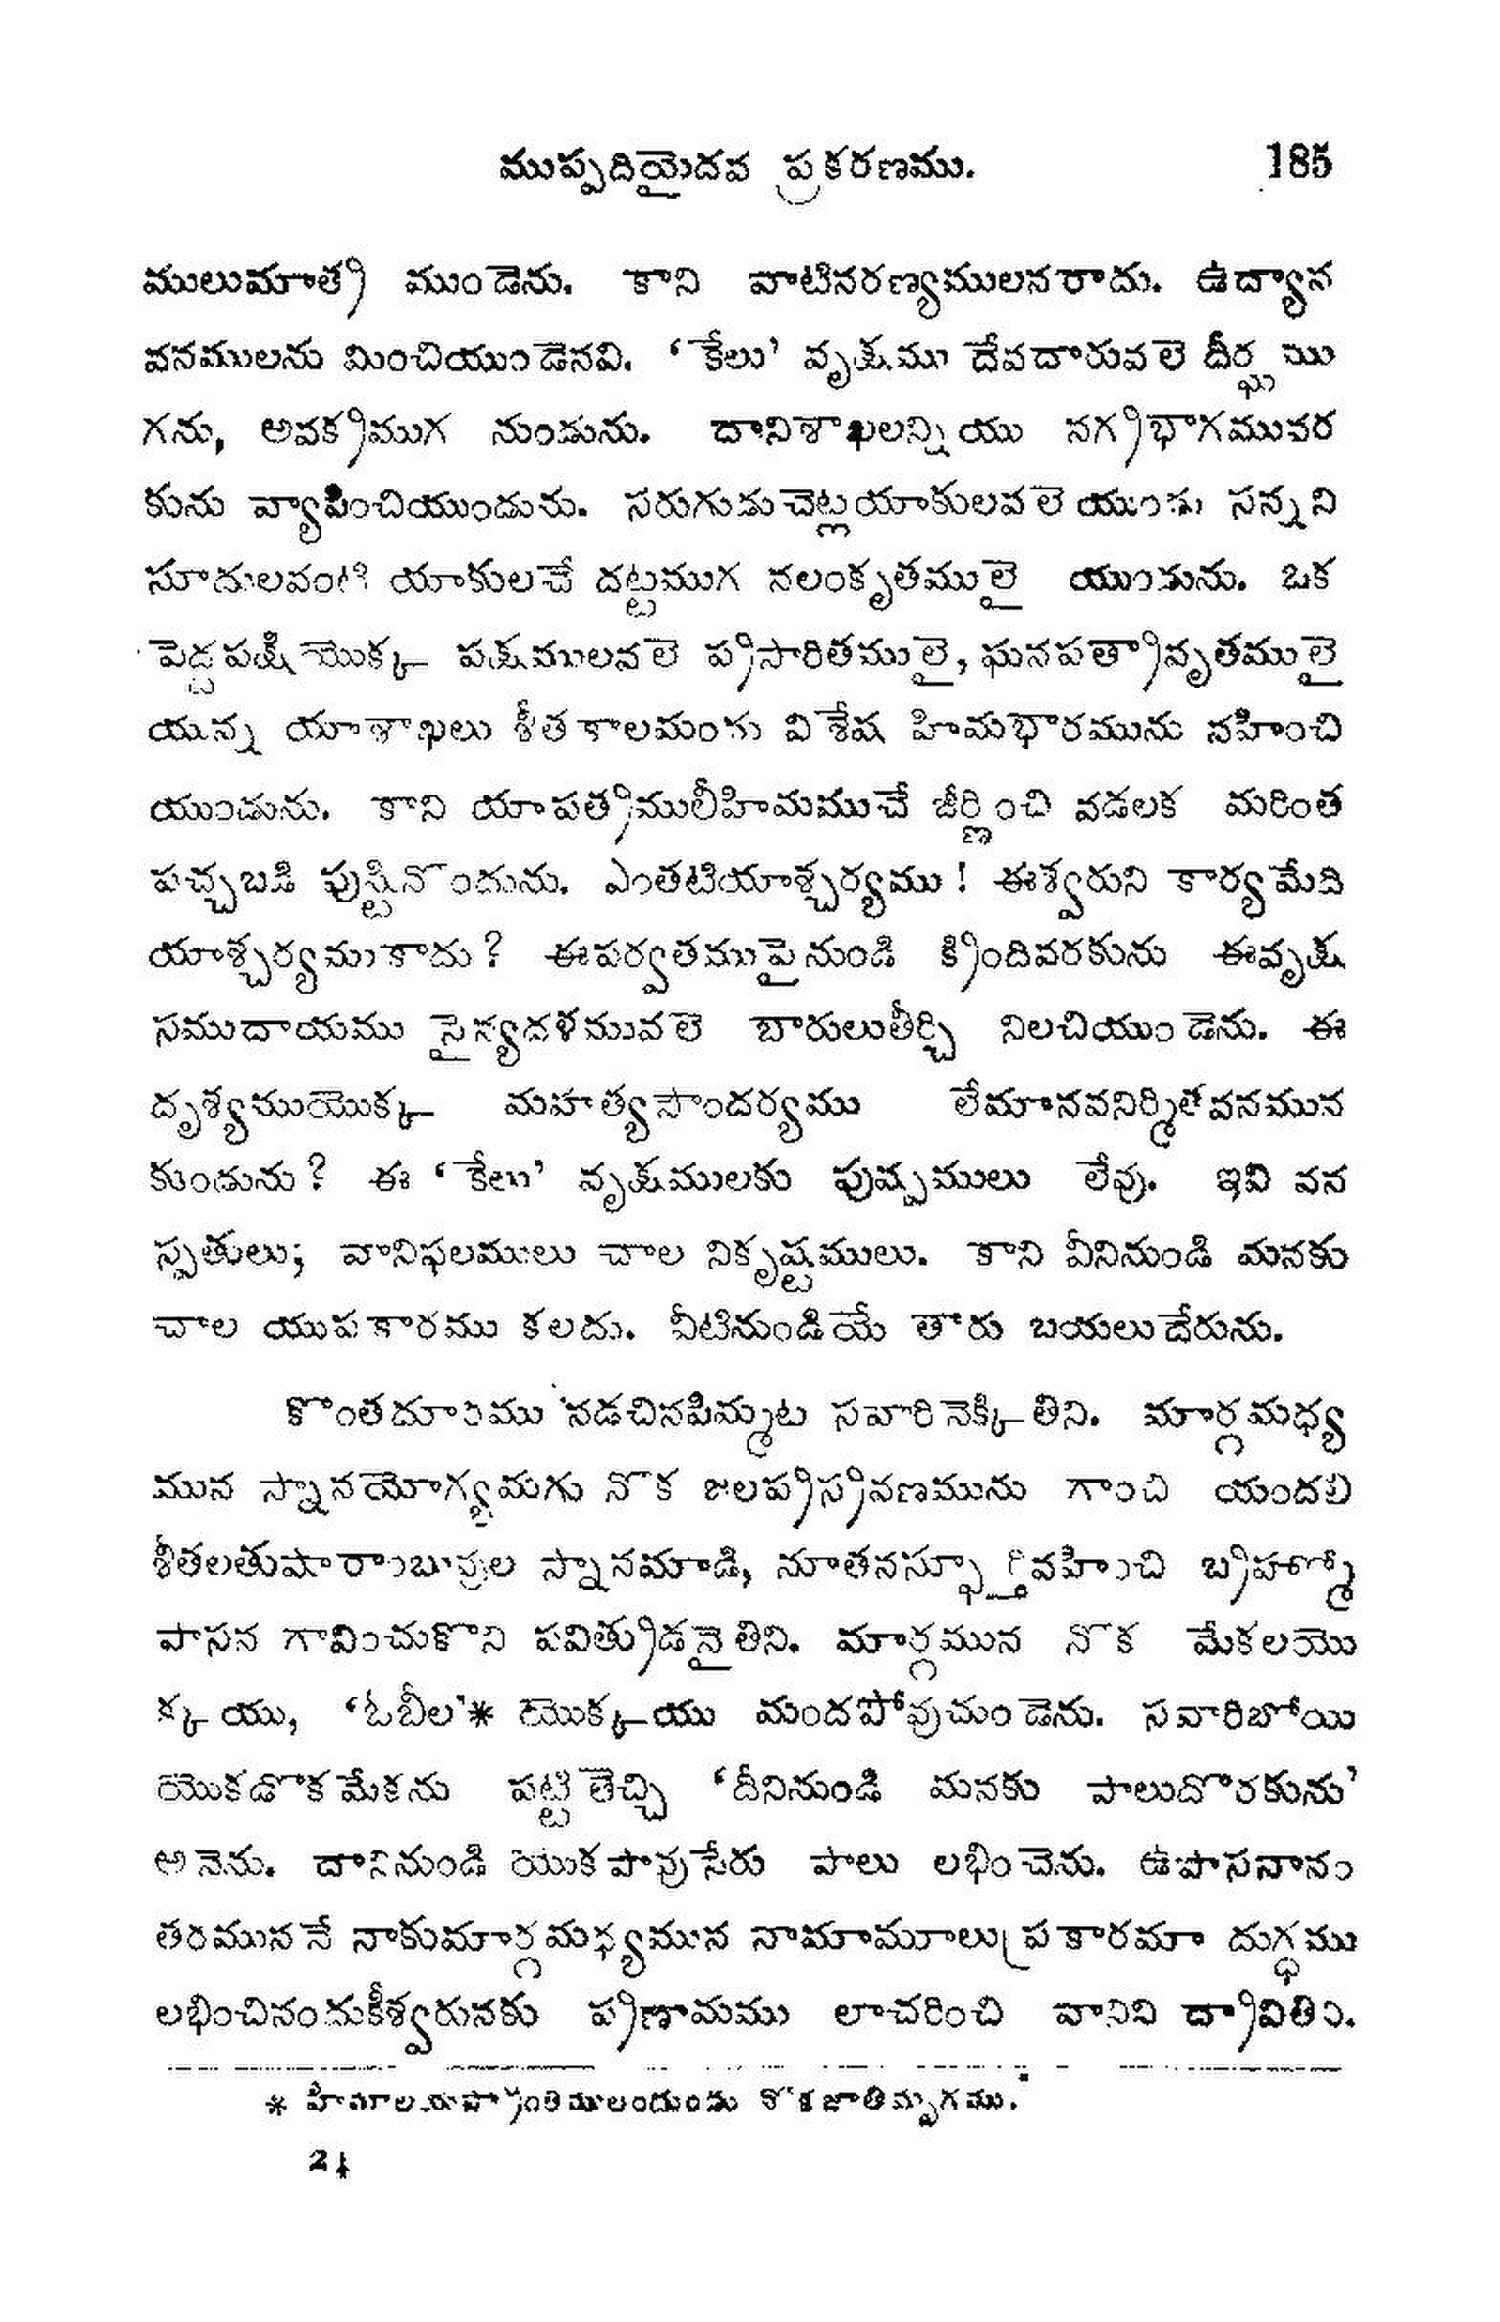185

ములుమాత్ర ముండెను. కాని వాటి నరణ్యములన రాదు. ఉద్యాన
వనములను మించి యుండెసవి. " కేలు' వృక్షము దేవదారువలె దీర్ఘముగను, 
అవక్రముగ నుండును. దానిశాఖలన్నియు నగ భాగమువరకును వ్యాపించి 
యుండును. సరుగుడు చెట్లయాకులవలెయుగు సన్నని సూదులవంటి 
యాకులచే దట్టముగ నలంకృతములై యుడును. ఒక' పెద్ద పక్షి యొక్క 
పక్షములవలె ప్రసారితములై, ఘనవతావృతము లైయున్న యాశాఖలు 
శీత కాలమందు విశేష హిమభారమును సహించియుండును. "కాని యా
పత్రములీ హిమముచే జీర్ణించి వడలక మరింత
పచ్చబడి పుష్టినొందును. ఎంతటియాశ్చర్యము ! ఈశ్వరుని కార్య మేది
యాశ్చర్యము కాదు ? ఈ పర్వతము పై నుండి కిందివరకును ఈవృక్ష
సముదాయము సైన్యదళమువలె బారులు తీర్చి నిలచియుండెను. ఈ
దృశ్యముయొక్క మహత్య సౌందర్యము లేమానవ నిర్మిత వనమున
కుండును? ఈ ' కేలు' వృక్షములకు పుష్పములు లేవు. ఇవి వనస్పతులు; 
వాని ఫలములు చాల నికృష్టములు. కాని వీనినుండి మనకుచాల యుపకారము
కలదు. వీటినుండియే తారు బయలు దేరును.కొంత దూరము 'నడచిన పిమ్మట 
సవారి నెక్కితిని. మార్గ మధ్యమున స్నాన యోగ్యమగు జల ప్రస్రవణమును 
గాంచి యందు శీతల తుషారాంబువుల స్నానమాడి, నూతనస్ఫూర్తి వహించి బ్రహ్మోపాసన గావించుకొని పవిత్రుడనై తిని. మార్గమున నొక మేకల యెక్కయు, 
“ఓబీల'* యొక్కయు మంద పోవుచుండెను. సవారిబోయి యొకడొక మేకను పట్టి తెచ్చి “దీనినుండి మనకు పాలుదొరకును' అనెను. దాని నుండి యొక పావు సేరు పాలు లభించెను. ఉపాసనానంతరముననే నాకుమార్గ మధ్యమున నామామూలు 
ప్రకారమా దుగ్ధము లభించినందు కీశ్వరునకు ప్రణామము లాచరించి వానిని
ద్రావితిని.

 

21